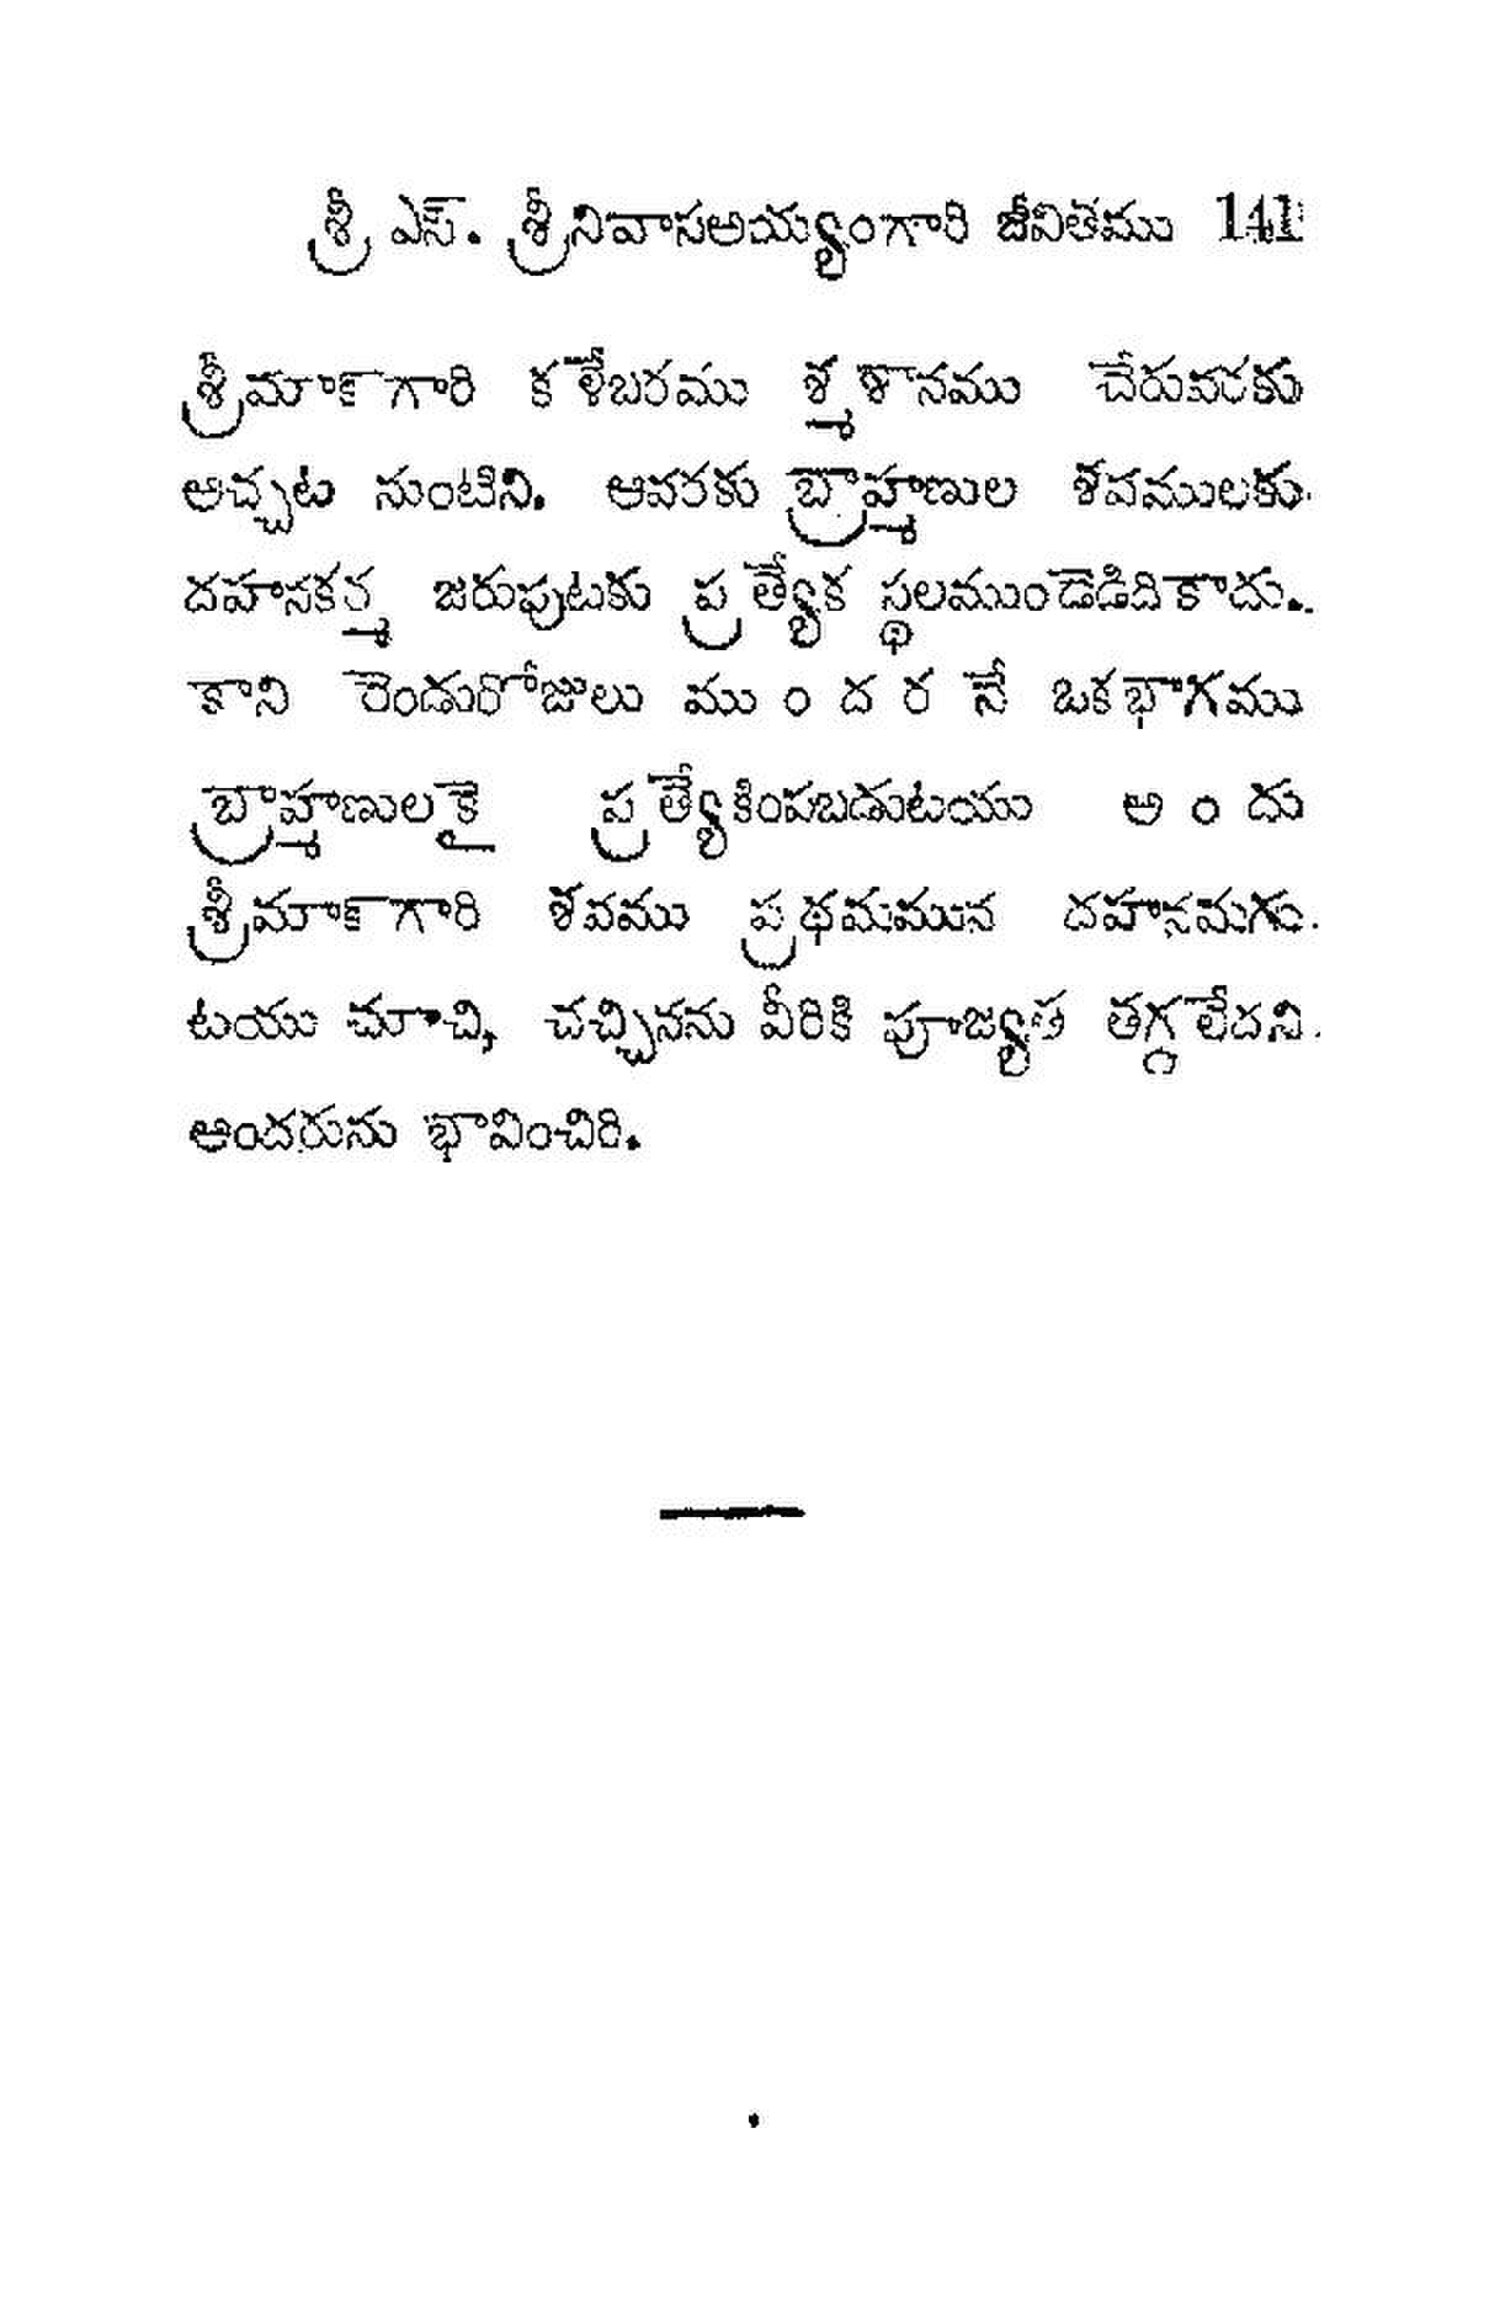శ్రీమా౯గారి కళేబరము శ్మశానము చేరువరకు అచ్చట నుంటిని. ఆవరకు బ్రాహ్మణుల శవములకు దహనకర్మ జరుపుటకు ప్రత్యేక స్థలముండెడిది కాదు. కాని రెండురోజులు ముందరనే ఒక భాగము బ్రాహ్మణులకై ప్రత్యేకింపబడుటయు అందు శ్రీమా౯గారి శవము ప్రథమమున దహనమగుటయు చూచి, చచ్చినను వీరికి పూజ్యత తగ్గలేదని ఆందరును భావించిరి.